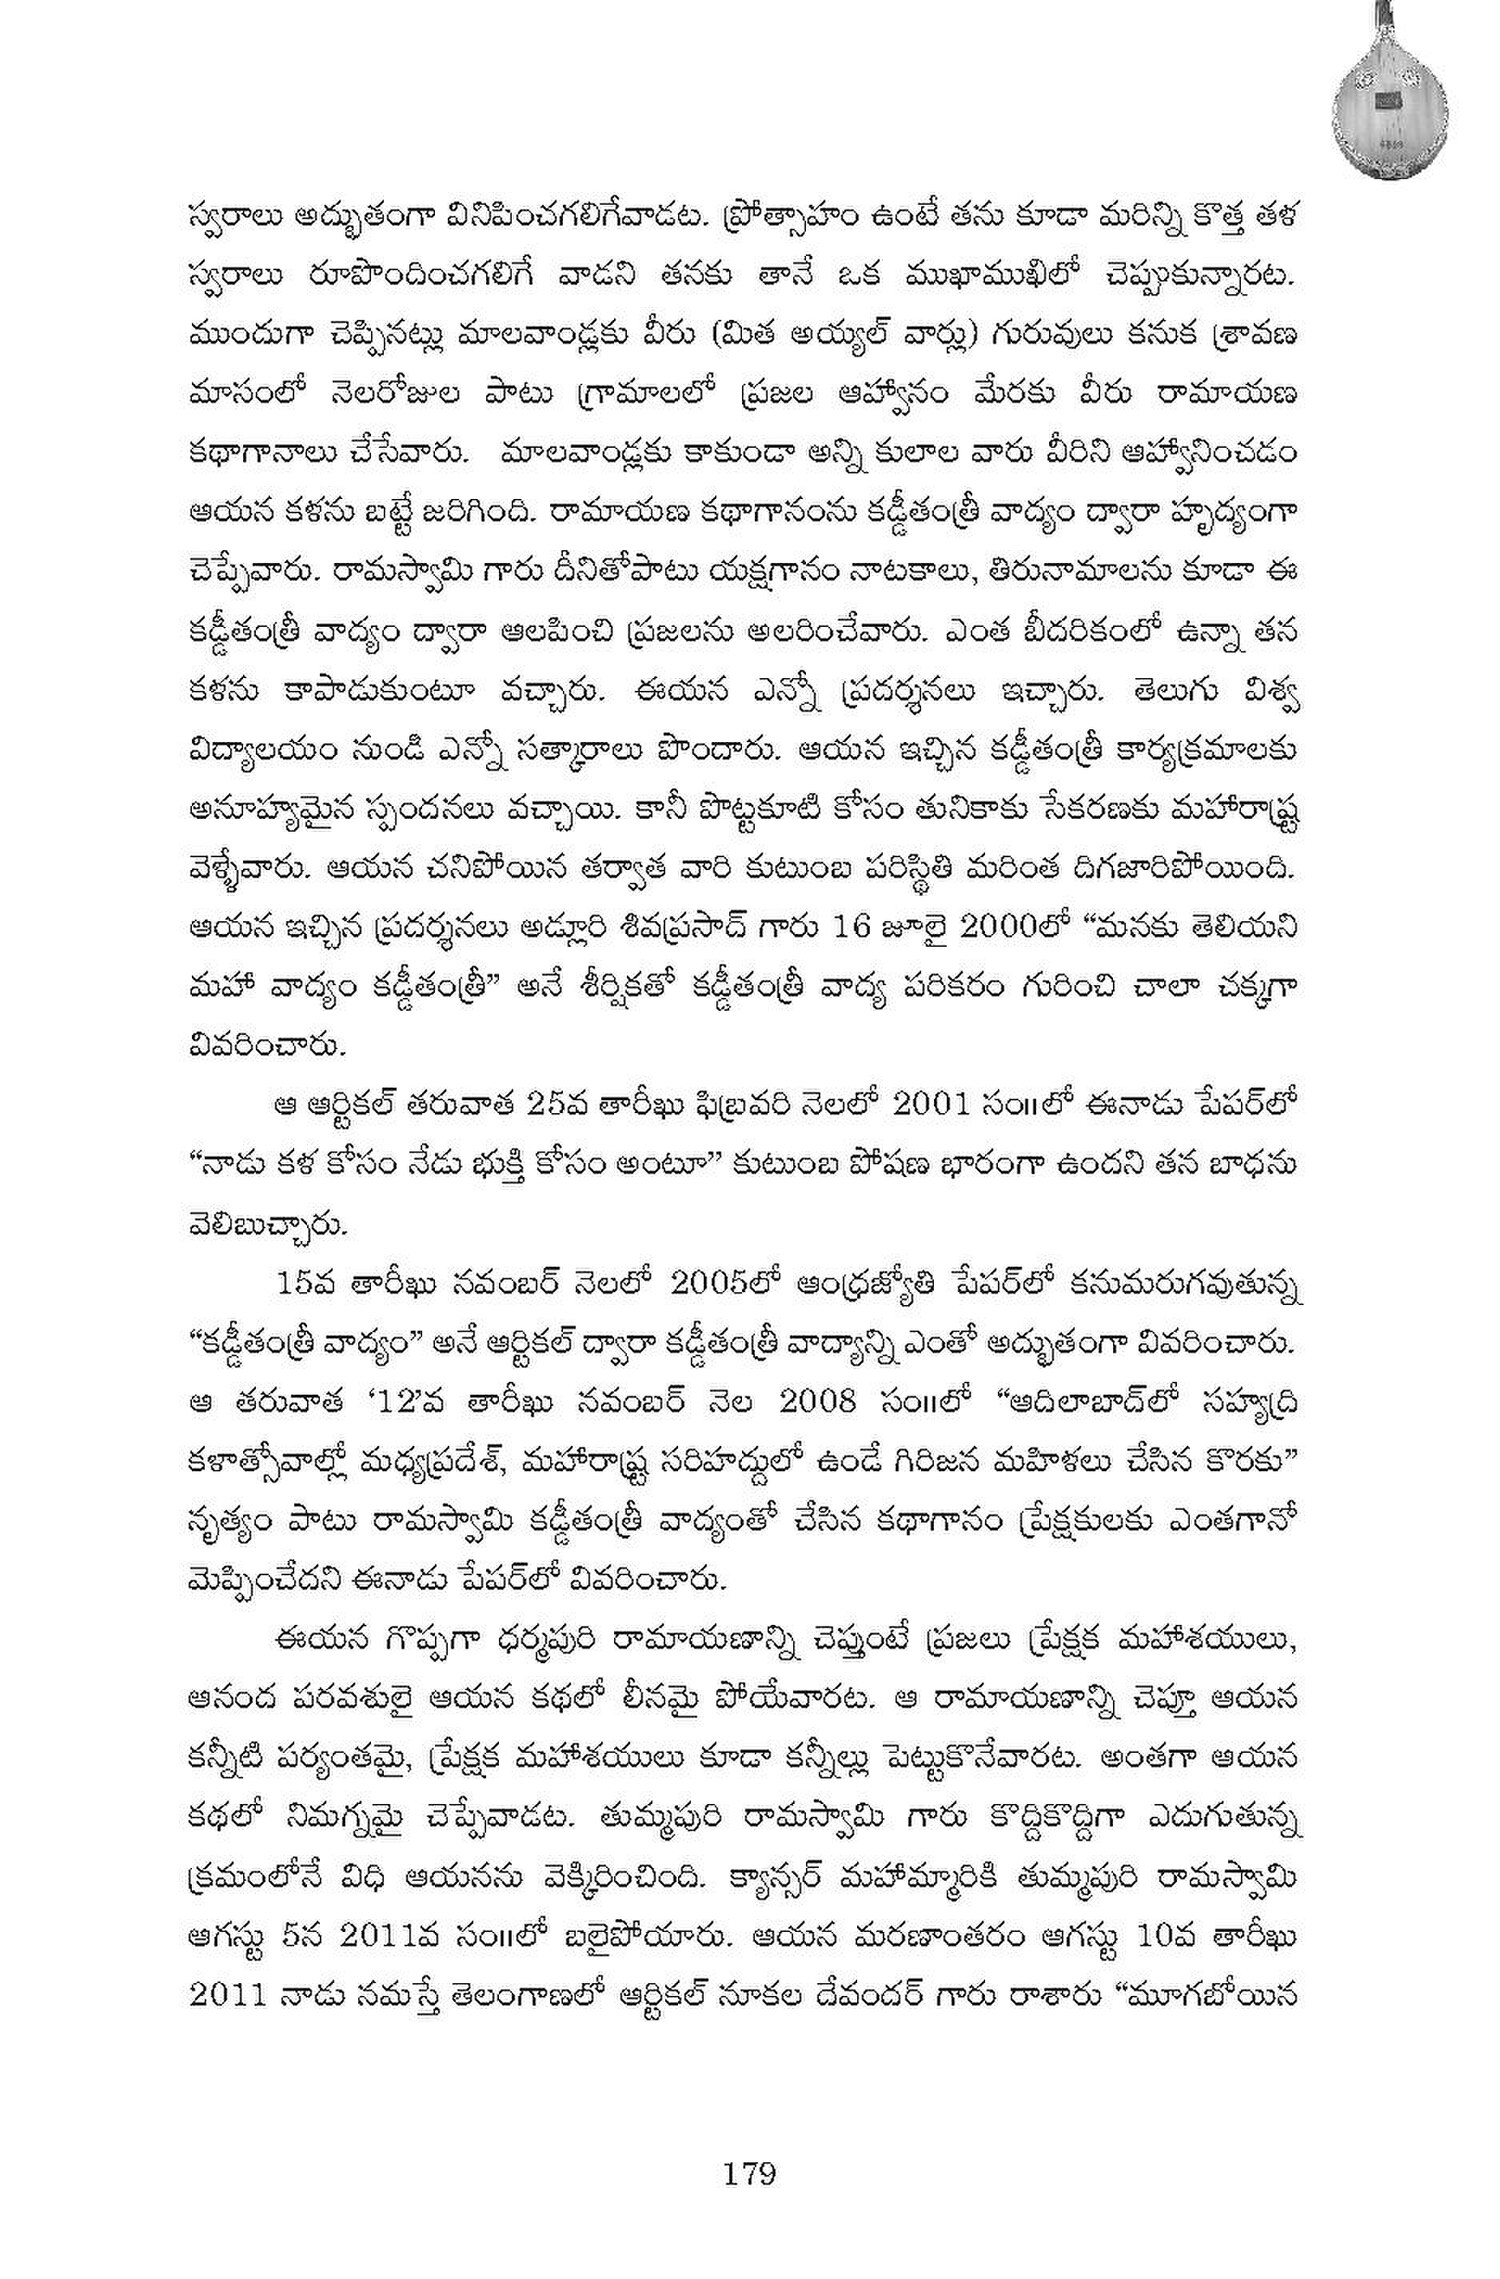స్వరాలు అద్భుతంగా వినిపించగలిగేవాడట. ప్రోత్సాహం ఉంటే తను కూడా మరిన్ని కొత్త తళ స్వరాలు రూపొందించగలిగే వాడని తనకు తానే ఒక ముఖాముఖిలో చెప్పుకున్నారట. ముందుగా చెప్పినట్లు మాలవాండ్లకు వీరు (మిత అయ్యల్ వార్లు) గురువులు కనుక శ్రావణ మాసంలో నెలరోజుల పాటు గ్రామాలలో ప్రజల ఆహ్వానం మేరకు వీరు రామాయణ కథాగానాలు చేసేవారు. మాలవాండ్లకు కాకుండా అన్ని కులాల వారు వీరిని ఆహ్వానించడం ఆయన కళను బట్టే జరిగింది. రామాయణ కథాగానంను కడ్డీతంత్రీ వాద్యం ద్వారా హృద్యంగా చెప్పేవారు. రామస్వామి గారు దీనితోపాటు యక్షగానం నాటకాలు, తిరునామాలను కూడా ఈ కడ్డీతంత్రీ వాద్యం ద్వారా ఆలపించి ప్రజలను అలరించేవారు. ఎంత బీదరికంలో ఉన్నా తన
కళను కాపాడుకుంటూ వచ్చారు. ఈయన ఎన్నో ప్రదర్శనలు ఇచ్చారు. తెలుగు విశ్వ విద్యాలయం నుండి ఎన్నో సత్కారాలు పొందారు. ఆయన ఇచ్చిన కడ్డీతంత్రీ కార్యక్రమాలకు అనూహ్యమైన స్పందనలు వచ్చాయి. కానీ పొట్టకూటి కోసం తునికాకు సేకరణకు మహారాష్ట్ర వెళ్ళేవారు. ఆయన చనిపోయిన తర్వాత వారి కుటుంబ పరిస్థితి మరింత దిగజారిపోయింది. ఆయన ఇచ్చిన ప్రదర్శనలు అడ్లూరి శివప్రసాద్ గారు 16 జూలై 2000లో “మనకు తెలియని మహా వాద్యం కడ్డీతంత్రీ" అనే శీర్షికతో కడ్డీతంత్రీ వాద్య పరికరం గురించి చాలా చక్కగా వివరించారు.

ఆ ఆర్టికల్ తరువాత 25వ తారీఖు ఫిబ్రవరి నెలలో 2001 సం॥లో ఈనాడు పేపర్లో “నాడు కళ్ళ కోసం నేడు భుక్తి కోసం అంటూ” కుటుంబ పోషణ భారంగా ఉందని తన బాధను వెలిబుచ్చారు.

15వ తారీఖు నవంబర్ నెలలో 2005లో ఆంధ్రజ్యోతి పేపర్లో కనుమరుగవుతున్న "కడ్డీతంత్రీ వాద్యం” అనే ఆర్టికల్ ద్వారా కడ్డీతంత్రీ వాద్యాన్ని ఎంతో అద్భుతంగా వివరించారు. ఆ తరువాత '12వ తారీఖు నవంబర్ నెల 2008 సం॥లో "ఆదిలాబాద్లో సహ్యద్రి కళాత్సోవాల్లో మధ్యప్రదేశ్, మహారాష్ట్ర సరిహద్దులో ఉండే గిరిజన మహిళలు చేసిన కొరకు”
నృత్యం పాటు రామస్వామి కడ్డీతంత్రీ వాద్యంతో చేసిన కథాగానం ప్రేక్షకులకు ఎంతగానో మెప్పించేదని ఈనాడు పేపర్లో వివరించారు.

ఈయన గొప్పగా ధర్మపురి రామాయణాన్ని చెప్తుంటే ప్రజలు ప్రేక్షక మహాశయులు, ఆనంద పరవశులై ఆయన కథలో లీనమై పోయేవారట. ఆ రామాయణాన్ని చెప్తూ ఆయన కన్నీటి పర్యంతమై, ప్రేక్షక మహాశయులు కూడా కన్నీల్లు పెట్టుకొనేవారట. అంతగా ఆయన కథలో నిమగ్నమై చెప్పేవాడట. తుమ్మపురి రామస్వామి గారు కొద్దికొద్దిగా ఎదుగుతున్న క్రమంలోనే విధి ఆయనను వెక్కిరించింది. క్యాన్సర్ మహామ్మారికి తుమ్మపురి రామస్వామి ఆగస్టు 5న 2011వ సం॥లో బలైపోయారు. ఆయన మరణాంతరం ఆగస్టు 10వ తారీఖు 2011 నాడు నమస్తే తెలంగాణలో ఆర్టికల్ నూకల దేవందర్ గారు రాశారు "మూగబోయిన